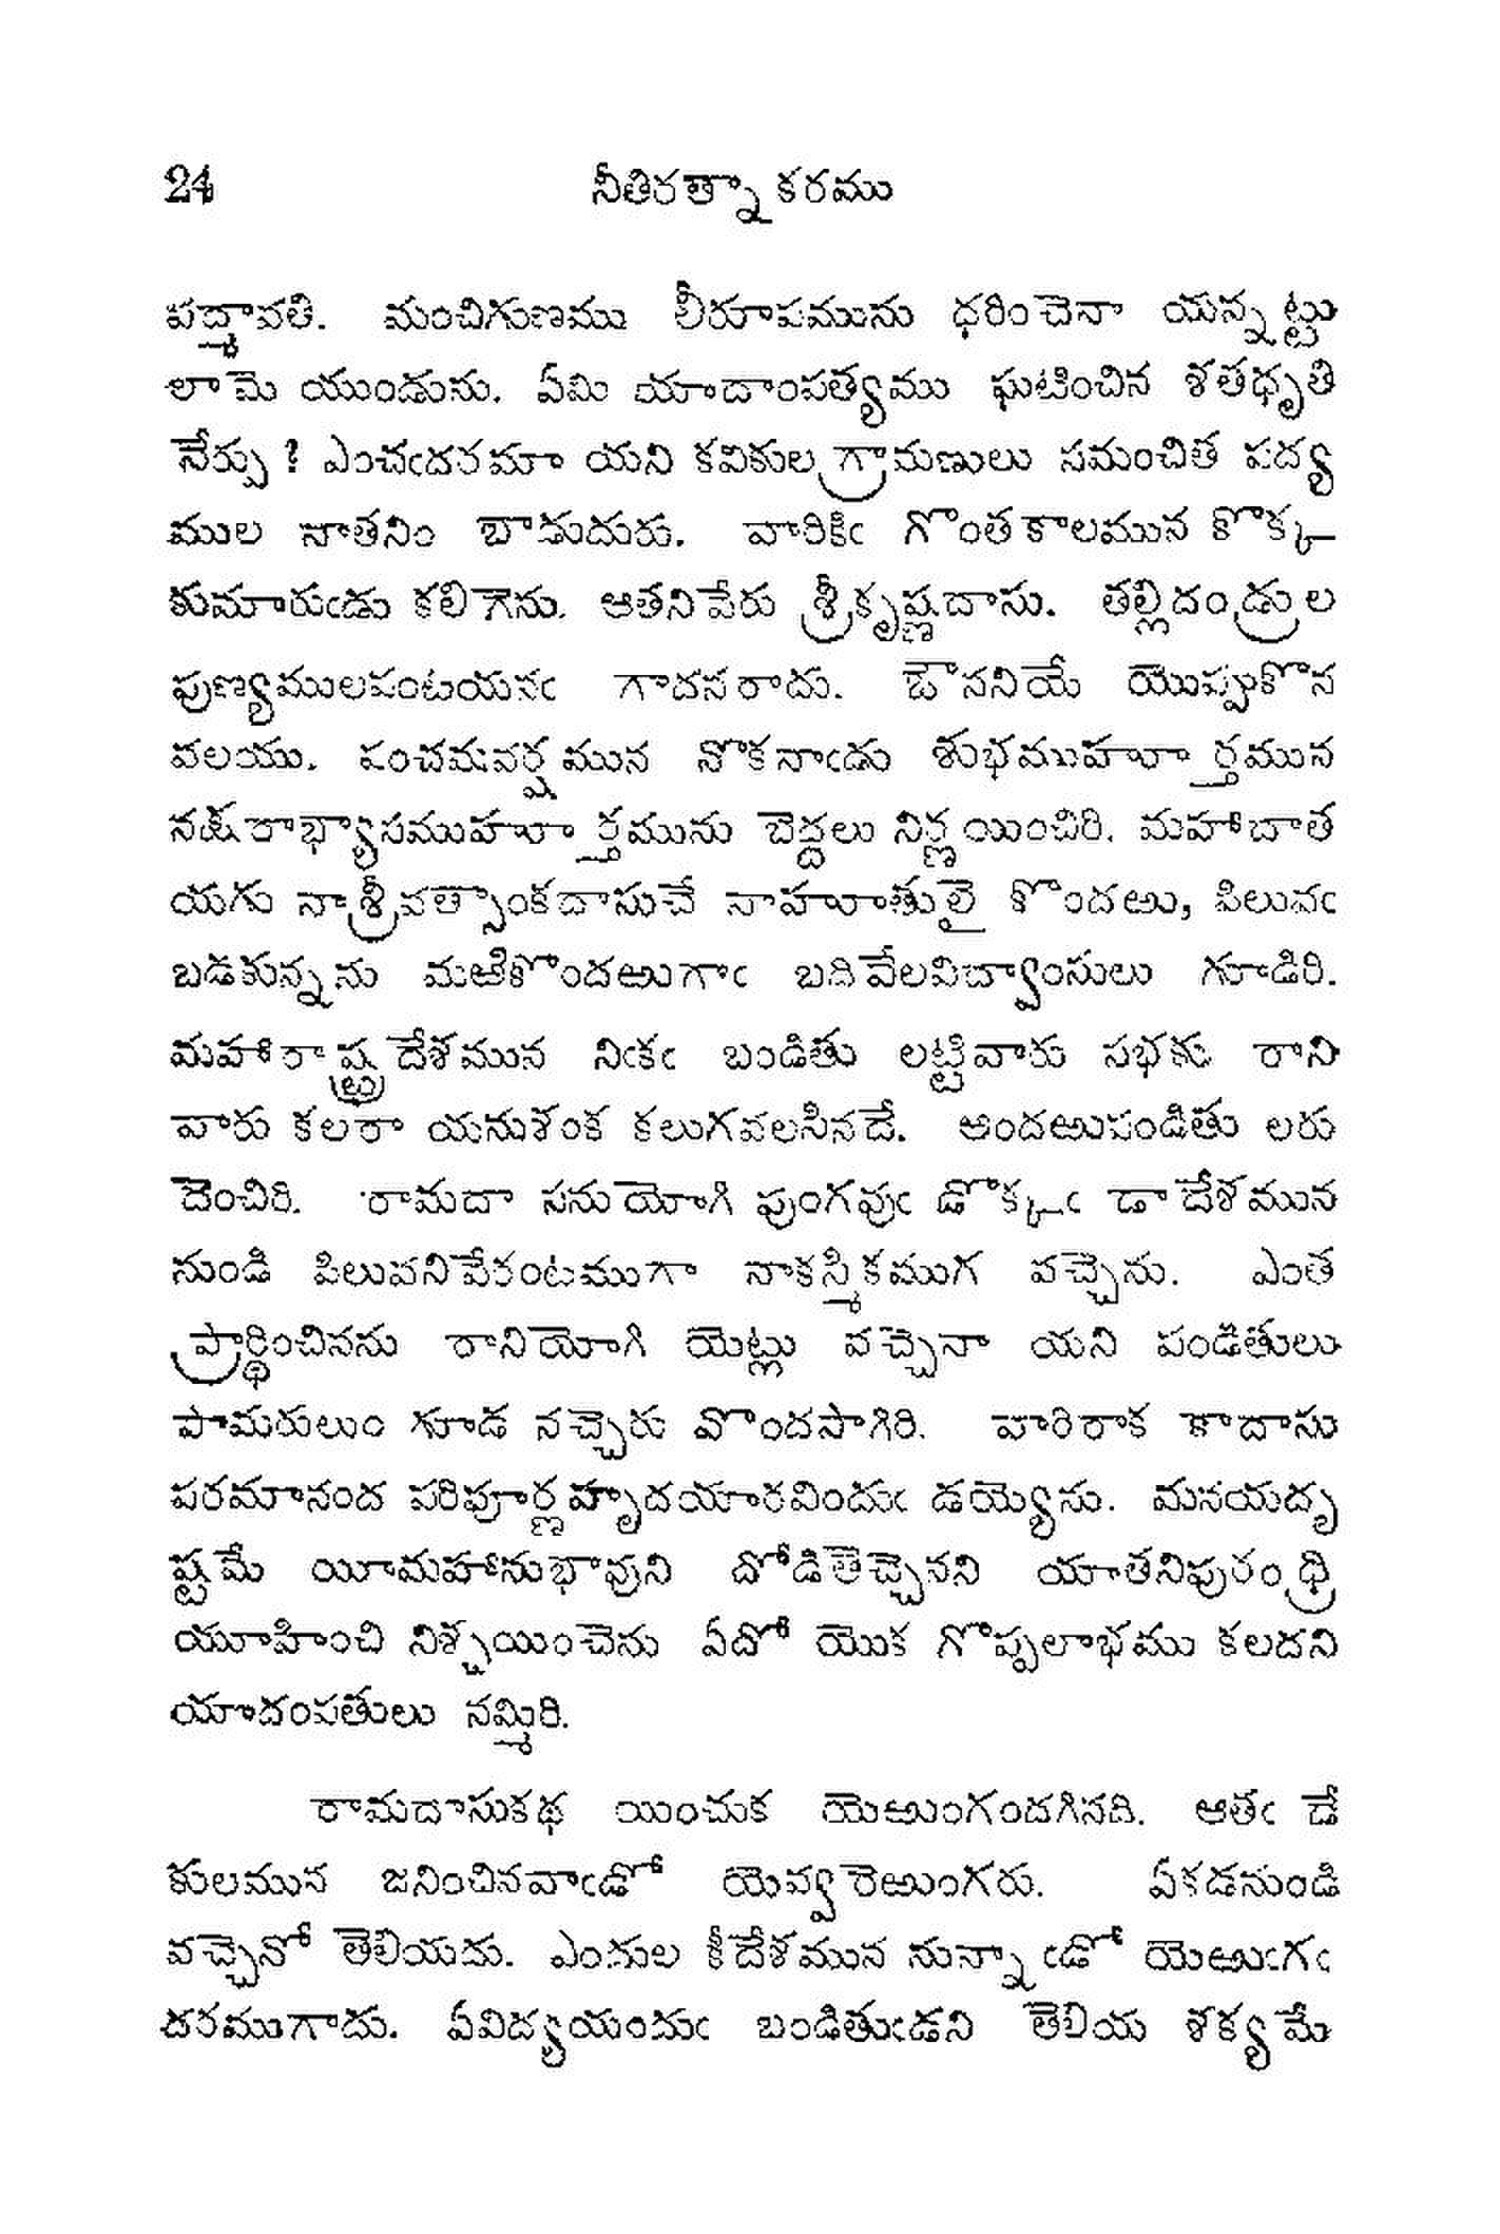పద్మావతి. మంచిగుణము లీరూపమును ధరించెనా యన్నట్టు లామె యుండును. ఏమి యాదాంపత్యము ఘటించిన శతధృతి నేర్పు ? ఎంచఁదరమా యని కవికుల గ్రామణులు సమంచిత పద్య ముల నాతనిం బాడుదురు. వారికిఁ గొంత కాలమున కొక్క కుమారుఁడు కలిగెను. అతని పేరు శ్రీకృష్ణ దాసు. తల్లిదండ్రుల పుణ్యములపంటయనఁ గాదనరాదు. ఔననియే యొప్పుకొన వలయు. పంచమవర్షమున నొక నాఁడు శుభముహూర్తమున నక్షరాభ్యాసముహూర్తమును బెద్దలు నిర్ణయించిరి. మహాదాత యగు నాశ్రీవత్సాంక దాసుచే నాహూతులై కొందఱు, పిలువఁ బడకున్నను మఱిగొందఱుగాఁ బదివేలవిద్వాంసులు గూడిరి. మహారాష్ట్ర దేశమున నిఁకఁ బండితు లట్టివారు సభకు రాని వారు కలరా యనుశంక కలుగవలసినదే. అందఱుపండితు లరు దెంచిరి. 'రామదా సను యోగి పుంగవుఁ డొక్కఁ డా దేశమున నుండి పిలువని పేరంటముగా నాకస్మి కముగ వచ్చెను. ఎంత ప్రార్థించినను రానియోగి యెట్లు వచ్చినా యని పండితులు పామరులుం గూడ నచ్చెరు వొందసాగిరి. వారిరాక కాదాసు పరమానంద పరిపూర్ణహృదయారవిందుఁ డయ్యెను. మనయదృష్టమే యీమహానుభావుని దోడి తెచ్చెనని యాతనిపురం ధ్రి యూహించి నిశ్చయించెను ఏదో యొక గొప్పలాభము కలదని యాదంపతులు నమ్మిరి.

రామదాసుకథ యించుక యెఱుంగందగినది. ఆతఁ డే కులమున జనించినవాడో యెవ్వ రెఱుంగరు. ఏకడనుండి వచ్చెనో తెలియదు. ఎందుల కీదేశమున నున్నాడో యెఱుఁగఁ దరముగాదు. ఏవిద్యయందుఁ బండితుఁడని తెలియ శక్యమే